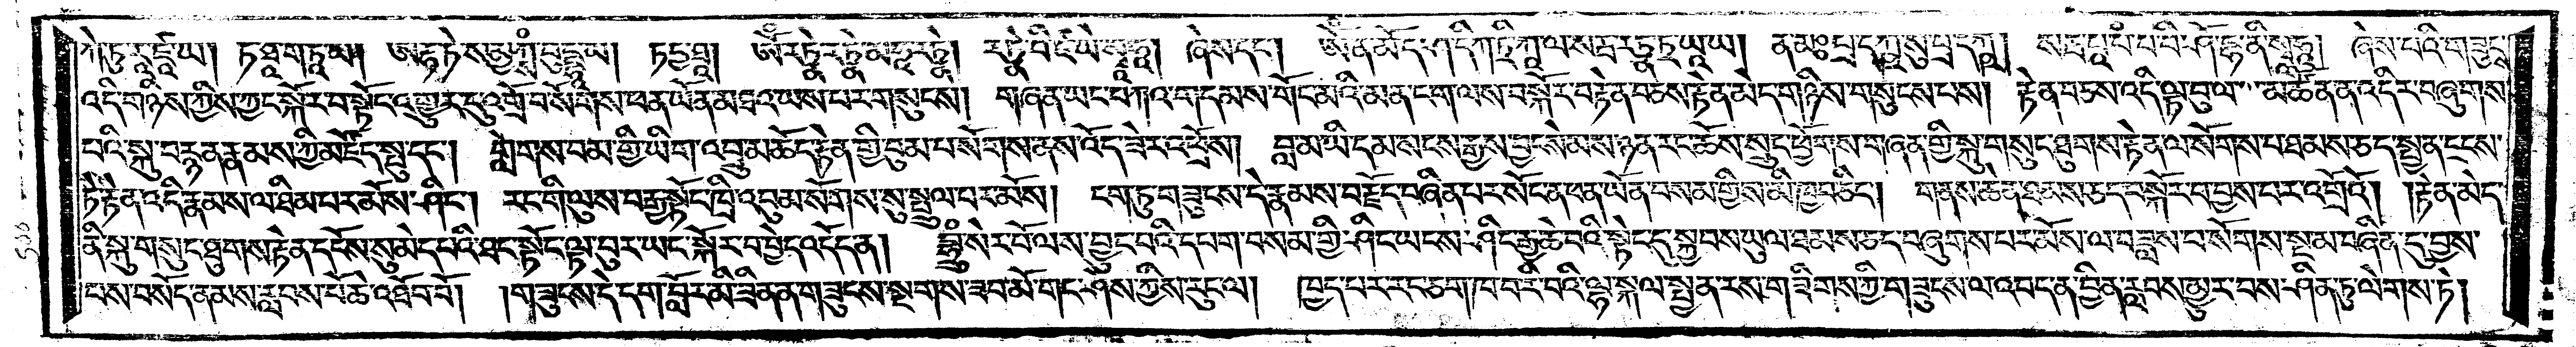ཀེ་ཏུ་རཱ་ཛཱ་ཡ། ཏ་ཐཱ་ག་ཏཱ་ཡ། ཨརྟ་ཏེ་སམྐྱཀྶཾ་བུདྡྷཱ་ཡ། ཏཏྱ་ཐཱ། ཨོཾ་ར་ཏེན་རཏེན་མྷཱ་རྟེན། དྟེན་བི་ཛ་ཡེ་སྭཱ་ཧཱ། ཞེས་དང་། ཨོཾན་མོད་ཤ་དིཀ་ཏྲཾ་ཀཱ་ལས་རྦ་རཏྣ་ཏྲ་ཡཱ་ཡ། ན་མཿ པྲ་དཀྵ་སུ་པྲ་དཀྵ། སརྦ་པཱ་པཾ་པ་བི་ཤོ་བྷ་ན་སྭཱ་ཧཱ། ཞེས་པའི་གཟུངས་
འདི་གཉིས་གྱིས་ཀྱང་སྐོར་བ་སྟོང་འགྱུར་དུ་འགྲོ་བ་སོགས་ཕན་ཡོན་མཐའ་ཡས་པར་གསུངས། གཞན་ཡང་བཀའ་གདམས་གོང་མའི་མན་ངག་ལས་བསྐོར་བརྟེན་བཅས་རྟེན་མེད་གཉིས་གསུངས་པས། རྟེན་བཅས་འདི་ལྟ་བུ་ལ་མཚན་ན་འདིར་བཞུགས་
པའི་སྐུ་བརྙན་རྣམས་ཀྱི་མཛོད་སྤུ་དང་། གླེགས་བམ་གྱི་ཡིག་འབྲུ་མཆོད་རྟེན་གྱི་བུམ་པ་སོགས་ནས་འོད་ཟེར་འཕྲོས། བླ་མ་ཡི་དམ་སངས་རྒྱས་བྱང་སེམས་ཉན་རང་ཆོས་སྲུང་ཕྱོགས་གཞན་གྱི་སྐུ་བསུང་ཐུགས་རྟེན་ལ་སོགས་པ་ཐམས་ཅད་སྤྱན་དྲངས་
ཏེ་རྟེན་འདི་རྣམས་ལ་ཐིམ་པར་མོས་ཤིང་། རང་གི་ལུས་བརྒྱ་སྟོང་ཁྲི་འབུམ་སོགས་སུ་སྦྲུལ་བར་མོས། ངག་ཏུ་གཟུངས་དེ་རྣམས་བརྗོད་བཞིན་བར་སོང་ན་བན་ཡོག་བསམ་གྱིས་མི་ཁྱབ་ཅིང་། གནས་ཆེན་ཐམས་ཅད་བསྐོར་བ་བྱས་པར་འགྲོའོ། །རྟེན་མེད་
ནི་སྐུ་གསུང་ཐུགས་རྟེན་དངོས་སུ་མེད་པའི་ཐང་སྟོང་ལྟ་བུར་ཡང་སྐོར་བ་བྱེད་འདོད་ན། བྷྲཱུཾ་སེར་པོ་ལས་བྱུང་བའི་དཔག་བསམ་གྱི་ཤིང་ཡངས་ཤིང་རྒྱ་ཆེ་བའི་སྟེང་དུ་སྐྱབས་ཡུལ་ཐམས་ཅད་བཞུགས་པར་མོས་ལ་བཟླས་པ་སོགས་སྔམ་བཞིན་དུ་བྱས་
པས་བསོད་ནམས་རླབས་པོ་ཆེ་འཐོབ་བོ། །གཟུངས་དེ་དག་བློར་མི་ཟིན་ན་གཟུངས་སྔགས་ཟབ་མོ་གང་ཤེས་ཀྱིས་རུང་ལ། ཁྱད་པར་རང་ཅག་ཁ་བ་རི་བའི་ལྷ་སྐལ་སྤྱན་རས་གཟིགས་ཀྱི་གཟུངས་ལ་འབད་ན་བྱིན་རླབས་མྱུར་པས་ཤིན་ཏུ་ལེགས་ཏེ།